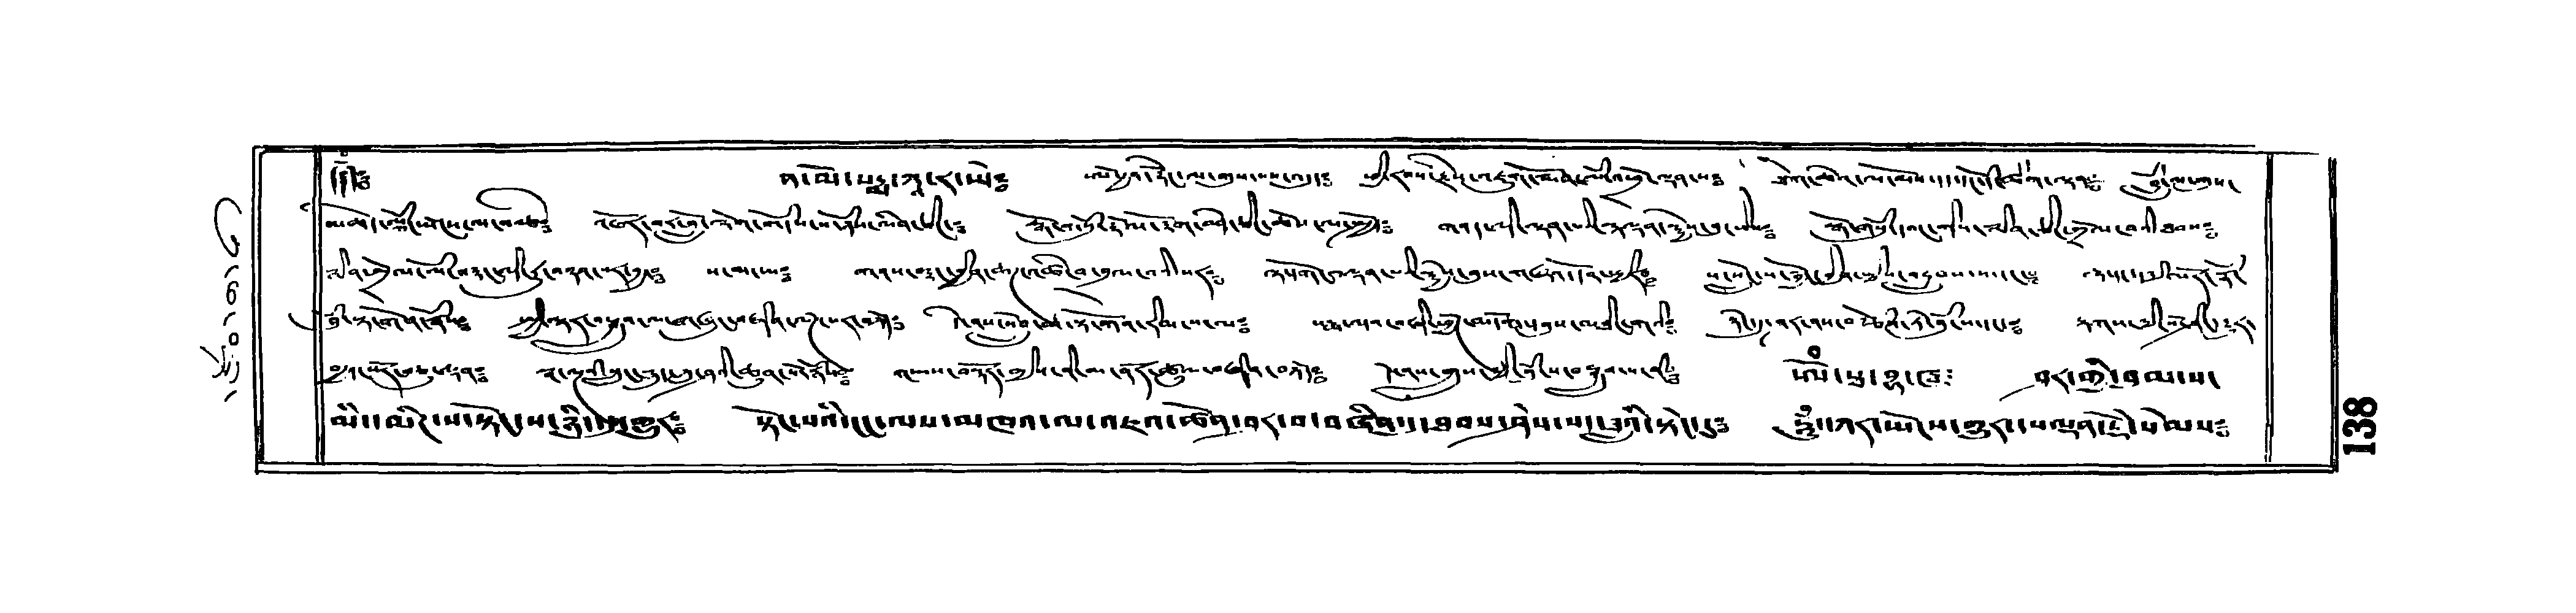ན་མོ་པདྨ་ཀཱ་ར་ཡེ༔ ཨོ་རྒྱན་རྡོ་རྗེ་འཆང་ལ་གུས་པས་འདུད༔ ཕྱི་རབས་རྗེས་འཇུག་སྨོན་ལམ་འཕྲོ་ལྡན་པ༔ ཐེག་ཆེན་ལ་མོས་དད་དང་དམ་ཚིག་ལྡན༔ བླ་མ་ལ་གུས་
མཆེད་ལྕམ་ཡོངས་ལ་བརྩེ༔ འཁོར་བར་བློ་ལྡོག་གདམས་པ་ཉམས་ལེན་ཅིང༔ སྒོ་གསུམ་ཟོལ་ཟོག་མེད་ཅིང་ཆོས་ལ་སྤྱོད༔ གནད་འདི་ལྡན་པའི་སྐལ་ལྡན་སྐྱེས་བུ་ཡིས༔ སྒོ་གསུམ་དབང་གིས་སྨིན་ཅིང་གྲོལ་བའི་ཐབས༔ 
སྨིན་གྲོལ་ལམ་བཟང་འདི་རུ་བསྟན་པར་བྱ༔ ས་མ་ཡ༔ གནས་བཟང་བྱིན་ཆགས་འཚེ་བ་བྲལ་བའི་སར༔ ལྷ་དགོངས་ལྡན་པའི་སྐྱེས་བུས་གཞན་དོན་ཕྱིར༔ ས་སློང་ས་སྦྱོང་བྱིན་གྱིས་བརླབས་པ་དང༔ ལྷ་དང་དཀྱིལ་འཁོར་རྣམ་
བུམ་སྟ་གོན་རྣམས༔ སྤྱི་ལྟར་བསྒྲུབས་ལ་གཞུང་བཞིན་ལེགས་པར་བཀོད༔ དེ་ནས་སློབ་མ་སྟ་གོན་རིམ་པ་ལ༔ པདྨ་འདས་བཞི་ཕྱོགས་མདོག་དབུས་མཐིང་གའི༔ སྟེང་དུ་ཤར་ནས་བརྩམས་ཏེ་བུམ་པ་དང༔ རྟགས་ཀྱི་སོ་ཤིང་ཟུར་
བརྒྱད་སོར་བཅུ་ལྡན༔ སྣ་ལྔའི་སྲུང་སྐུད་ཀུ་ཤའི་ཆུན་པོ་རྣམས༔ གཡས་བསྐོར་གྱིས་ནི་མ་ནོར་ཚུལ་བཞིན་བཀོད༔ དེ་ནས་ཁྲུས་ཀྱི་བུམ་པ་སྒྲུབ་པ་ནི༔ ཨོཾ་སྭ་བྷ་ཝ༴ ཤར་གྱི་བུམ་པ་
མི་དམིགས་པ་སྟོང་པ་ཉིད་དུ་གྱུར༔ སྟོང་པའི་ངང་ལས་མཁའ་ལ་འཇའ་ཚོན་ཤར་བ་བཞིན་དུ་ཐབས་ཤེས་པད་ཟླའི་སྟེང་དུ༔ ཧཱུྃ་དཀར་ཡོངས་གྱུར་དཔལ་ལྡན་རྡོ་རྗེ་སེམས༔